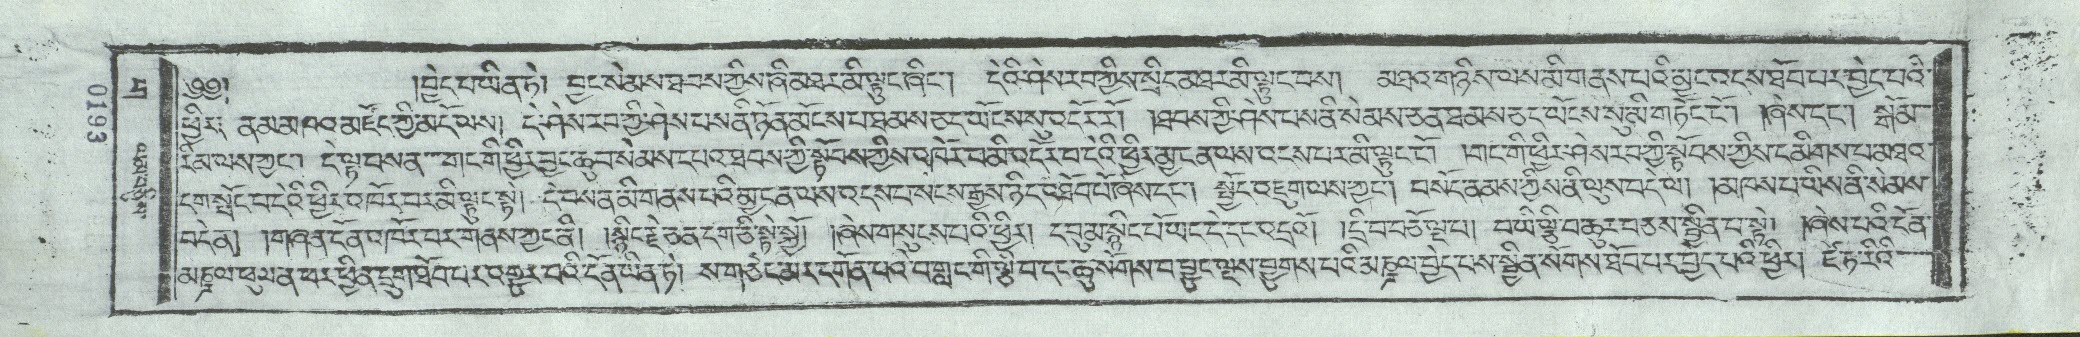༄༅། །བྱེད་པ་ཡིན་ཏེ། བྱང་སེམས་ཐབས་ཀྱིས་ཞི་མཐར་མི་ལྟུང་ཞིང་། དེའི་ཤེས་རབ་ཀྱིས་སྲིང་མཐར་མི་ལྟུང་བས། མཐའ་གཉིས་ལས་མི་གནས་པའི་མྱང་འདས་ཐོབ་པར་བྱེད་པའི་
ཕྱིར༑ ནམ་མཁའ་མཛོད་ཀྱི་མདོ་ལས། དེ་ཤེས་རབ་ཀྱི་ཤེས་པས་ཉི་ཉོན་མོངས་པ་ཐམས་ཅད་ཡོངས་སུ་འདོར་རོ། །ཐབས་ཀྱི་ཤེས་པས་ནི་སེམས་ཅན་ཐམས་ཅད་ཡོངས་སུ་མི་གཏོང་ངོ། །ཞེས་དང་། སྒོམ་
རིམ་ལས་ཀྱང་། དེ་ལྟ་བས་ན་གང་གི་ཕྱིར་བྱང་ཆུབ་སེམས་དཔའ་ཐབས་ཀྱི་སྟོབས་ཀྱིས་འཁོར་བ་མི་འདོར་བ་དེའི་ཕྱིར་མྱ་ངན་ལས་འདས་པར་མི་ལྟུང་ངོ། །གང་གི་ཕྱིར་ཤེས་རབ་ཀྱི་སྟོབས་ཀྱིས་དམིགས་པ་མཐའ་
དག་སྤོང་བ་དེའི་ཕྱིར་འཁོར་བར་མི་ལྟུང་སྟེ། དེ་བས་ན་མི་གནས་པའི་མྱ་ངན་ལས་འདས་པ་སངས་རྒྱས་ཉིད་འཐོབ་པོ་ཞེས་དང་། སྤྱོད་འཇུག་ལས་ཀྱང་། བསོད་ནམས་ཀྱིས་ནི་ལུས་བདེ་ལ། །མཁས་པ་ཡིས་ནི་སེམས་
བདེན། །གཞན་དོན་འཁོར་བར་གནས་ཀྱང་ནི། །སྙིང་རྗེ་ཅན་དག་ཅི་སྟེ་སྐྱོ། །ཞེས་གསུངས་པའི་ཕྱིར། དབུ་མ་སྙིང་པོ་ཡང་དེ་དང་འདྲའོ། །དྲི་བ་བཅོ་ལྔ་པ། བ་ཡི་ལྕི་བ་ཆུར་བཅས་སྦྱིན་པ་སྟེ། །ཞེས་པའི་དོན་
མཎྜལ་ཕུལ་ན་ཕར་ཕྱིན་དྲུག་ཐོབ་པར་འགྱུར་བའི་དོན་ཡིན་ཏེ། ས་གཅེང་མར་དགོན་པའི་བ་གླང་གི་ལྕི་བ་དང་ཆུ་སོགས་བ་བྱུང་ལྔས་བྱུགས་པའི་མཎྜལ་བྱེད་བས་སྦྱིན་སོགས་ཐོབ་པར་བྱེད་པའི་ཕྱིར། ཛེ་ཏ་རིའི་